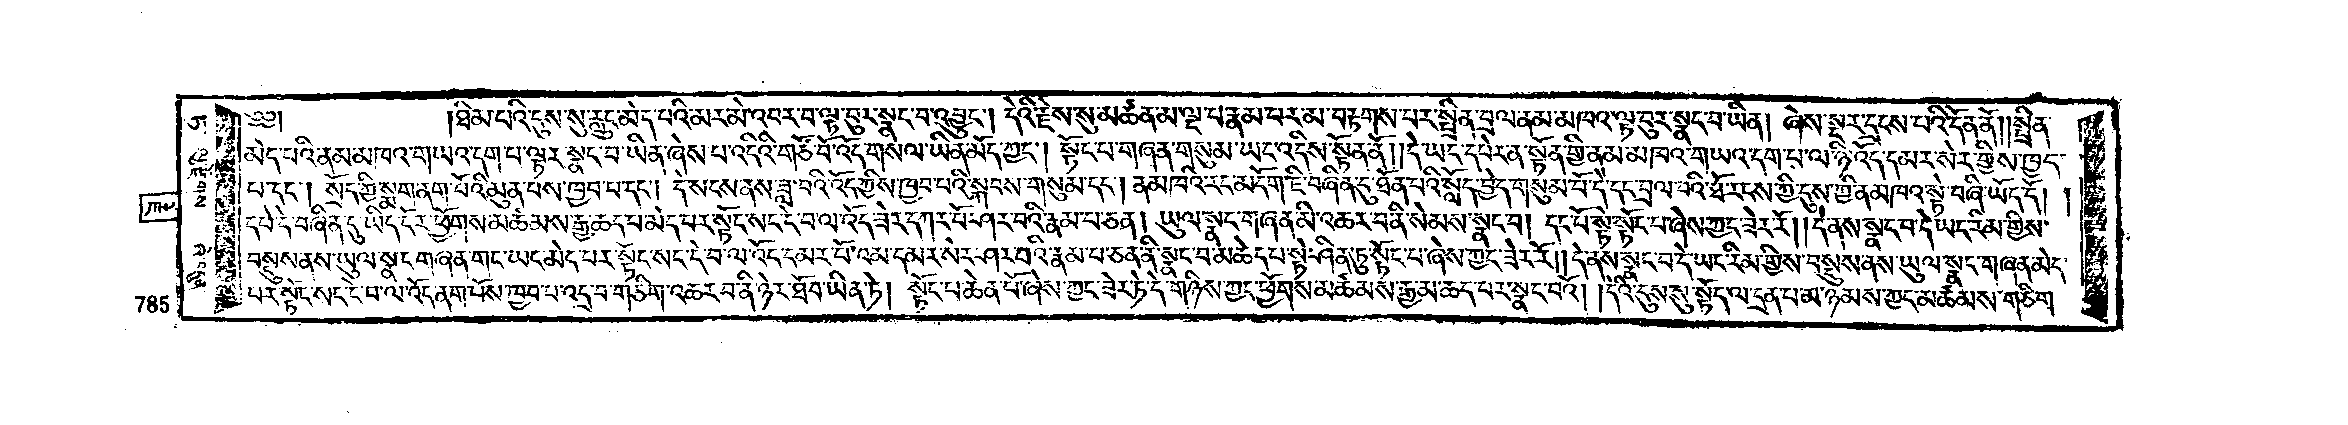༄༅། །ཐིམ་པའི་དུས་སུ་རླུང་མེད་པའི་མར་མེ་འབར་བ་ལྟ་བུར་སྣང་བ་འབྱུང་། དེའི་རྗེས་སུ་མཚན་མ་ལྔ་པ་རྣམ་པར་མ་བརྟགས་པར་སྤྲིན་བྲལ་ནམ་མཁའ་ལྟ་བུར་སྣང་བ་ཡིན། ཞེས་སྔར་དྲངས་པའི་དོན་ནོ། །སྤྲིན་
མེད་པའི་ནམ་མཁའ་གཡའ་དག་པ་ལྟར་སྣང་བ་ཡིན་ཞེས་པ་འདིའི་གཙོ་བོ་འོད་གསལ་ཡིན་མོད་ཀྱང་། སྟོང་པ་གཞན་གསུམ་ཡང་འདིས་སྟོན་ནོ། །དེ་ཡང་དཔེར་ན་སྟོན་གྱི་ནམ་མཁའ་གཡའ་དག་པ་ལ་ཉི་འོད་དམར་སེར་གྱིས་ཁྱབ་
པ་དང་། སྲོད་ཀྱི་སྨག་ནག་པོའི་མུན་པས་ཁྱབ་པ་དང་། དེ་སངས་ནས་ཟླ་བའི་འོད་ཀྱིས་ཁྱབ་པའི་སྐབས་གསུམ་དང་། ནམ་མཁའི་རང་མདོག་ཇི་བཞིན་དུ་ཐོན་པའི་སློད་བྱེད་གསུམ་པོ་དེ་དང་བྲལ་བའི་ཐོ་རངས་ཀྱི་དུས་ཀྱི་ནམ་མཁའ་སྟེ་བཞི་ཡོད་དོ། །
དཔེ་དེ་བཞིན་དུ་ཡིད་ངོར་ཕྱོགས་མཚམས་རྒྱ་ཆད་པ་མེད་པར་སྟོང་སང་ངེ་བ་ལ་འོད་ཟེར་དཀར་པོ་ཤར་བའི་རྣམ་པ་ཅན། ཡུལ་སྣང་གཞན་མི་འཆར་བ་ནི་སེམས་སྣང་བ། དང་པོ་སྟེ་སྟོང་པ་ཞེས་ཀྱང་ཟེར་རོ། །དེ་ནས་སྣང་བ་དེ་ཡང་རིམ་གྱིས་
བསྡུས་ནས་ཡུལ་སྣང་གཞན་གང་ཡང་མེད་པར་སྟོང་སང་དེ་བ་ལ་འོད་མར་པོ་འམ་དམར་སེར་ཤར་བའི་རྣམ་པ་ཅན་ནི་སྣང་བ་མཆེད་པ་སྟེ་ཤིན་ཏུ་སྟོང་པ་ཞེས་ཀྱང་ཟེར་རོ། །དེ་ནས་སྣང་བ་དེ་ཡང་རིམ་གྱིས་བསྡུས་ནས་ཡུལ་སྣང་གཞན་མེད་
པར་སྟོང་སང་ངེ་བ་ལ་འོད་ནག་པོས་ཁྱབ་པ་འདྲ་བ་གཅིག་འཆར་བ་ནི་ཉེར་ཐོབ་ཡིན་ཏེ། སྟོང་པ་ཆེན་པོ་ཞེས་ཀྱང་ཟེར་ཏེ་དེ་གཉིས་ཀྱང་ཕྱོགས་མཚམས་རྒྱ་མ་ཆད་པར་སྣང་བའོ། །དེའི་དུས་སུ་སྟོད་ལ་དྲན་པ་མ་ཉམས་ཀྱང་མཚམས་གཅིག་